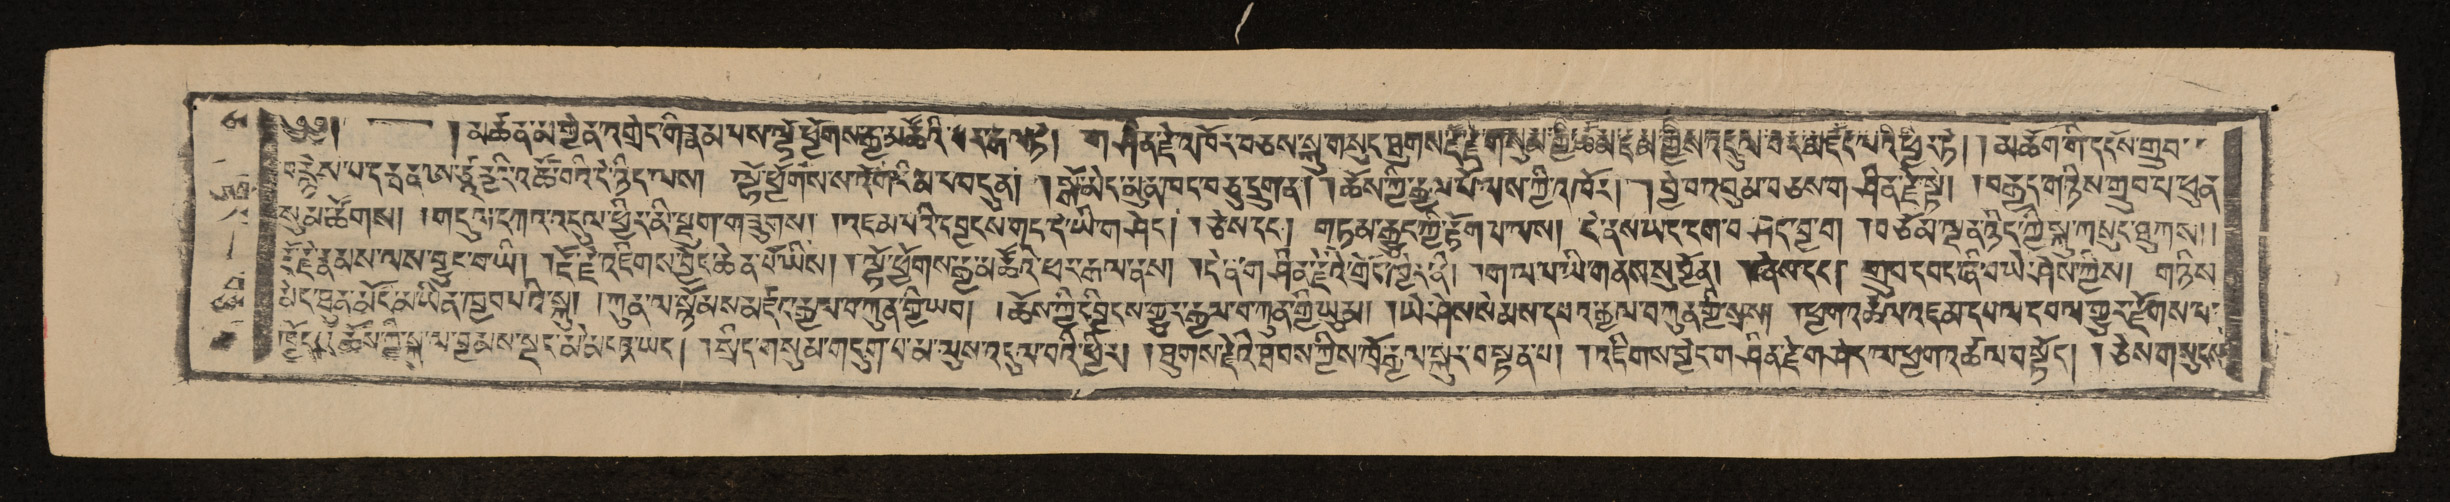༄༅། །མཚན་མ་གྱེན་འགྲེང་གི་རྣམ་པས་ལྷོ་ཕྱོགས་རྒྱ་མཚོའི་ཕར་རྒལ་ཏེ། གཤིན་རྗེ་འཁོར་བཅས་སྐུ་གསུང་ཐུགས་རྡོ་རྗེ་གསུམ་གྱི་ཚམ་རྔམ་གྱིས་འདུལ་བར་མཛད་པའི་ཕྱིར་ཏེ། མཆོག་གི་དངོས་གྲུབ་
བརྙེས་པ་དརྤན་ཨཙཱརྱའི་འཚོ་བའི་དེ་ཉིད་ལས། ལྷོ་ཕྱོགས་ས་འོག་རིམ་པ་བདུན། །སྒོ་མེད་མུན་ཁང་བཅུ་དྲུག་ན། །ཆོས་ཀྱི་རྒྱལ་པོ་ལས་ཀྱི་འཁོར། །བྱེ་བ་འབུམ་བཅས་གཤིན་རྗེ་སྟེ། །བརྒྱད་གཉིས་གྲུབ་པ་ཕུན་
སུམ་ཚོགས། །གདུལ་དཀའ་འདུལ་ཕྱིར་མི་སྡུག་གཟུགས། །འཇམ་པའི་དབྱངས་གང་དེ་ཡི་གཤེད། །ཅེས་དང་། གཏམ་རྒྱུད་ཀྱི་རྟོག་པ་ལས། དེ་ནས་ཡང་དག་བཤད་བྱ་བ། །བཅོམ་ལྡན་ཉིད་ཀྱི་སྐུ་གསུང་ཐུགས། །
རྡོ་རྗེ་རྣམས་ལས་བྱུང་བ་ཡི། །རྡོ་རྗེ་འཇིགས་བྱེད་ཆེན་པོ་ཡིས། །ལྷོ་ཕྱོགས་རྒྱ་མཚོའི་ཕར་རྒལ་ནས། །དེ་ན་གཤིན་རྗེའི་གྲོང་ཁྱེར་ནི། །ག་ལ་པ་ཡི་གནས་སུ་བྱོན། །ཞེས་དང་། གྲུབ་དབང་ཞི་བ་ཡེ་ཤེས་ཀྱིས། གཉིས་
མེད་ཐུན་མོང་མ་ཡིན་ཁྱབ་པའི་སྐུ། །ཀུན་ལ་སྙོམས་མཛད་རྒྱལ་བ་ཀུན་གྱི་ཡབ། །ཆོས་ཀྱི་དབྱིངས་གྱུར་རྒྱལ་བ་ཀུན་གྱི་ཡུམ། །ཡེ་ཤེས་སེམས་དཔའ་རྒྱལ་བ་ཀུན་གྱི་སྲས། །ཕྱག་འཚལ་འཇམ་དཔལ་དཔལ་གྱུར་རྫོགས་པ་
ཁྱོད༑ ༑ཆོས་ཀྱི་སྐུ་ལ་བྱམས་སྡང་མི་མངའ་ཡང་། །སྲིད་གསུམ་གདུག་པ་མ་ལུས་འདུལ་བའི་ཕྱིར། །ཐུགས་རྗེའི་ཐབས་ཀྱིས་ཁྲོ་རྒྱལ་སྐུར་བསྟན་པ། །འཇིགས་བྱེད་གཤིན་རྗེ་གཤེད་ལ་ཕྱག་འཚལ་བསྟོད། །ཅེས་གསུངས་